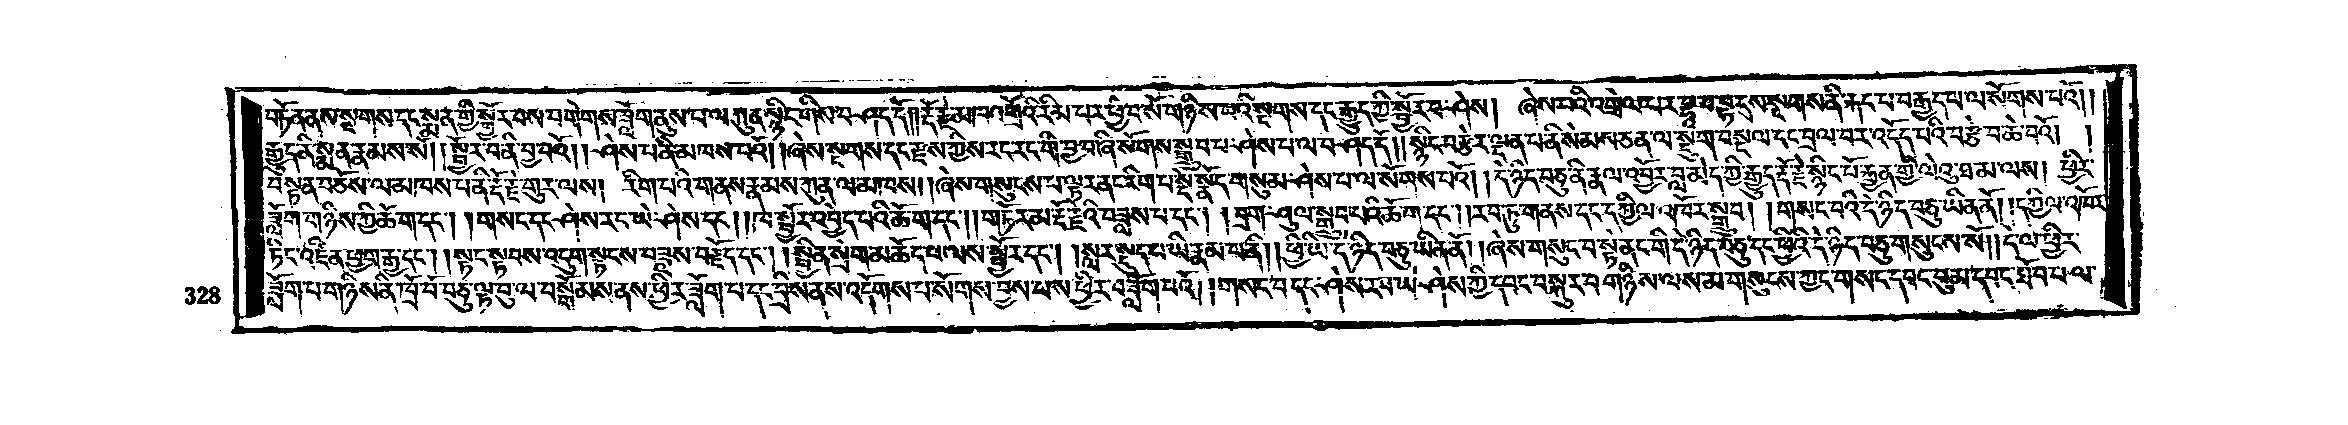གཏོན་?་ནས་སྔགས་དང་སྨན་གྱི་སྦྱོར་བས་བགེགས་ཟློག་ནུས་པ་ལ་ཀུན་སྙིང་གིས་བཤད་དོ། །རྡོ་རྗེ་མཁའ་འགྲོའི་རིམ་པར་ཕྱི་བ་སོ་གཉིས་པའི་སྔགས་དང་རྒྱུད་ཀྱི་སྦྱོར་བ་ཤེས། ཞེས་པའི་འགྲེལ་པར་བྷཱ་བ་བྷ་དྲས་སྔགས་ནི་རྐང་པ་བརྒྱད་པ་ལ་སོགས་པའོ། །
རྒྱུད་ནི་སྨན་རྣམས་སོ། །སྦྱོར་བ་ནི་བྱ་བའོ། །ཤེས་པ་ནི་མཁས་པའོ། །ཞེས་སྔགས་དང་རྫས་ཀྱིས་རང་རང་གི་བྱ་བ་ཞི་སོགས་སྒྲུབ་པ་ཤེས་པ་ལ་བཤད་དོ། །སྙིང་བརྩེར་ལྡན་པ་ནི་སེམས་ཅན་ལ་སྡུག་བསྔལ་དང་བྲལ་བར་འདོད་པའི་བརྩེ་བ་ཆེ་བའོ། །
བསྟན་བཅོས་ལ་མཁས་པ་ནི་རྡོ་རྗེ་གུར་ལས། རིག་པའི་གནས་རྣམས་ཀུན་ལ་མཁས། །ཞེས་གསུངས་པ་ལྟར་ནང་རིག་པ་སྡེ་སྣོད་གསུམ་ཤེས་པ་ལ་སོགས་པའོ། །དེ་ཉིད་བཅུ་ནི་རྣལ་འབྱོར་བླ་མེད་ཀྱི་རྒྱུད་རྡོ་རྗེ་སྙིང་པོ་རྒྱན་གྱི་ལེའུ་ཐ་མ་ལས། ཕྱིར་
ཟློག་གཉིས་ཀྱི་ཆོ་ག་དང་། །གསང་དང་ཤེས་རང་ཡེ་ཤེས་དང་། །ཁ་སྦྱོར་འབྱེད་པའི་ཆོ་ག་དང་། །གཏོར་མ་རྡོ་རྗེའི་བཟླས་པ་དང་། །བྲག་ཤུལ་སྒྲུབ་པའི་ཆོ་ག་དང་། །རབ་ཏུ་གནས་དང་དཀྱིལ་འཁོར་སྒྲུབ། །གསང་བའི་དེ་ཉིད་བཅུ་ཡིན་ནོ། །དཀྱིལ་འཁོར་
ཏིང་འཛིན་ཕྱག་རྒྱ་དང་། །སྟང་སྟབས་འདུག་སྟངས་བཟླས་བརྗོད་དང་། །སྦྱིན་སྲེག་མཆོག་པ་ལས་སྦྱོར་དང་། །སླར་སྡུད་པ་ཡི་རྣམ་པ་ནི། །ཕྱི་ཡི་དེ་ཉིད་བཅུ་ཡིན་ནོ། །ཞེས་གསུང་བ་སྟེ་ནང་གི་དེ་ཉིད་བཅུ་དང་ཕྱིའི་དེ་ཉིད་བཅུ་གསུངས་སོ། །དེ་ལ་ཕྱིར་
ཟློག་པ་གཉིས་ནི་ཁྲོ་བོ་བཅུ་ལྟ་བུ་ལ་བསྒོམས་ནས་ཕྱིར་ཟློག་པ་དང་བྲིས་ནས་འདོགས་པ་སོགས་བྱས་པས་ཕྱིར་བཟློག་པའོ། །གསང་བ་དང་ཤེས་རབ་ཡེ་ཤེས་ཀྱི་དབང་བསྐུར་བ་གཉིས་ལས་མ་གསུངས་ཀྱང་གསང་དབང་བུམ་དབང་ཐོབ་པ་ལ་